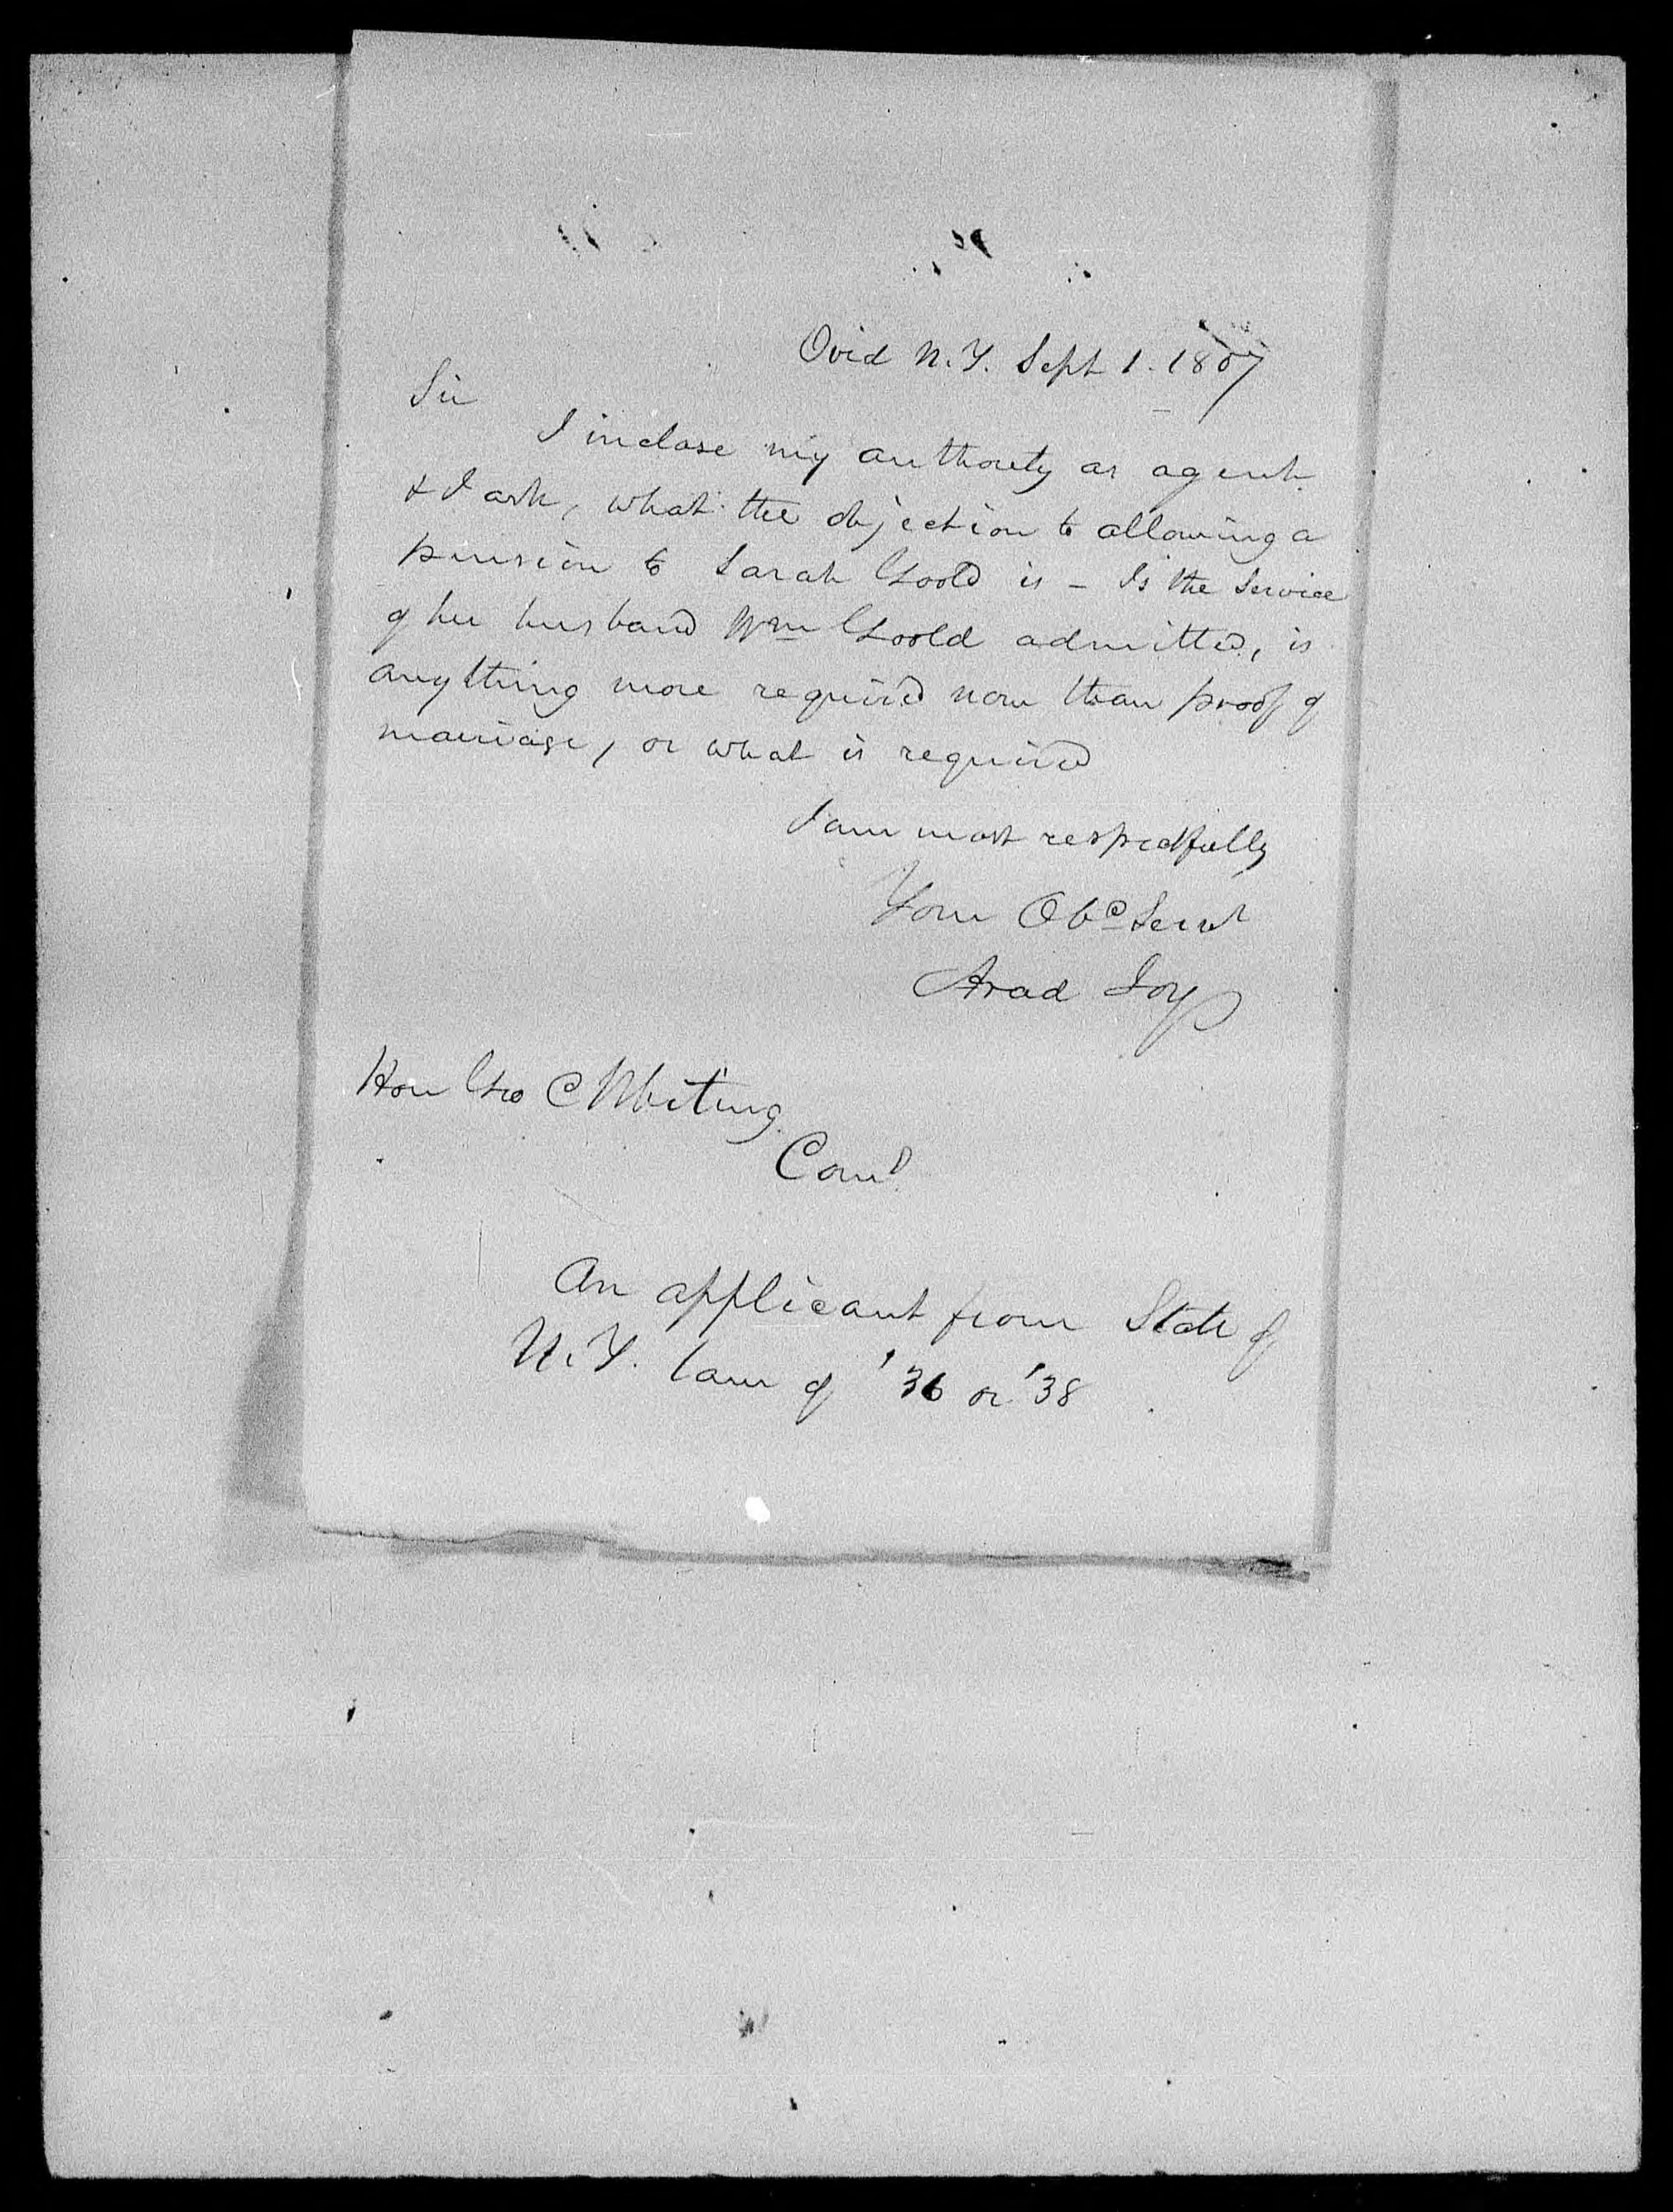Ovid N.Y. Sept 1 1807

Sire

I inclose my authority as agent & I ask what the objection to allowing a pension to Sarah Gould is- is the service of her husband Wm Gould admitted, is anything more required now than proof of marriage, or what is required

I am most respectfully
Your Obd Servt
Arad Joy

Hon C Whiting
Comm

An application from State of N.Y. law of '46 or '38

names: Wm Goold, Sarah Goold, Arad Joy, Geo C Whiting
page: 16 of 20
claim: rejected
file: R. 4,161, William Gould, New York